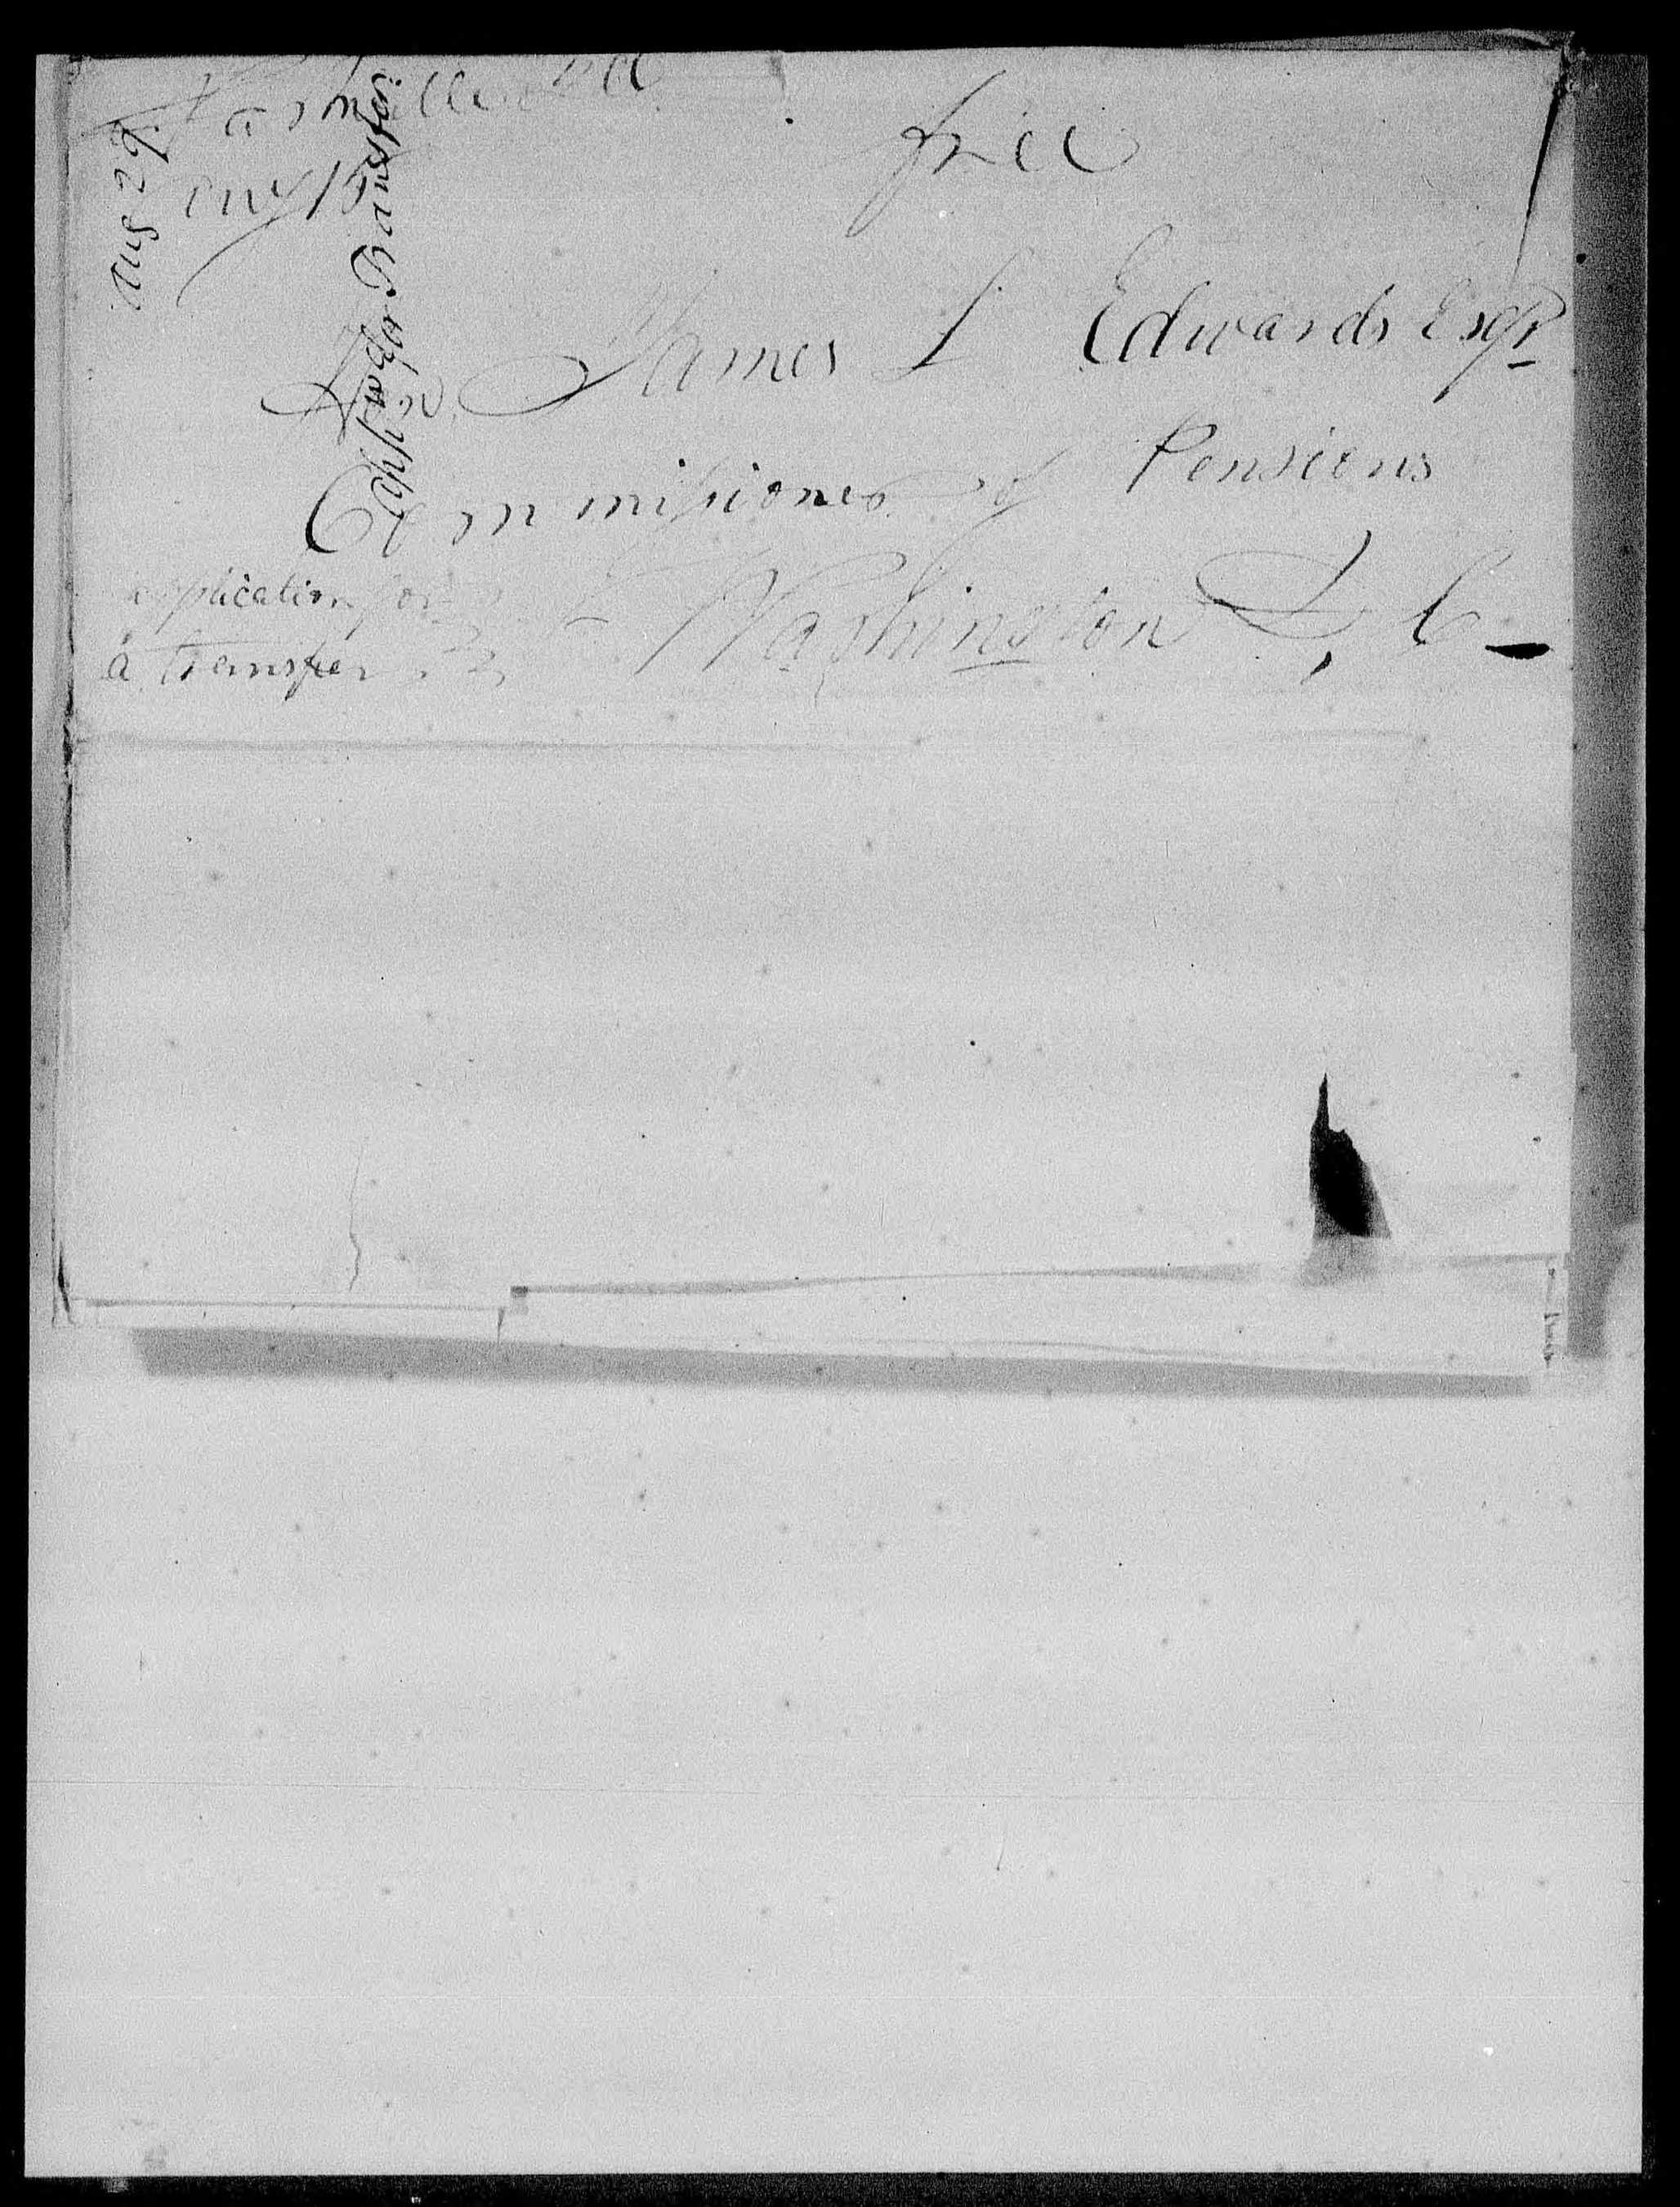Aug 29
Nashville [unintelligible]
Aug 15
transfer

free
Hon. James L. Edwards Esqr.

Commissioner of Pensions
Washington D.C.

Application for 
at Transfer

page: 32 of 93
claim: widow's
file: W. 21792, for Thomas Mc Clurken, South Carolina